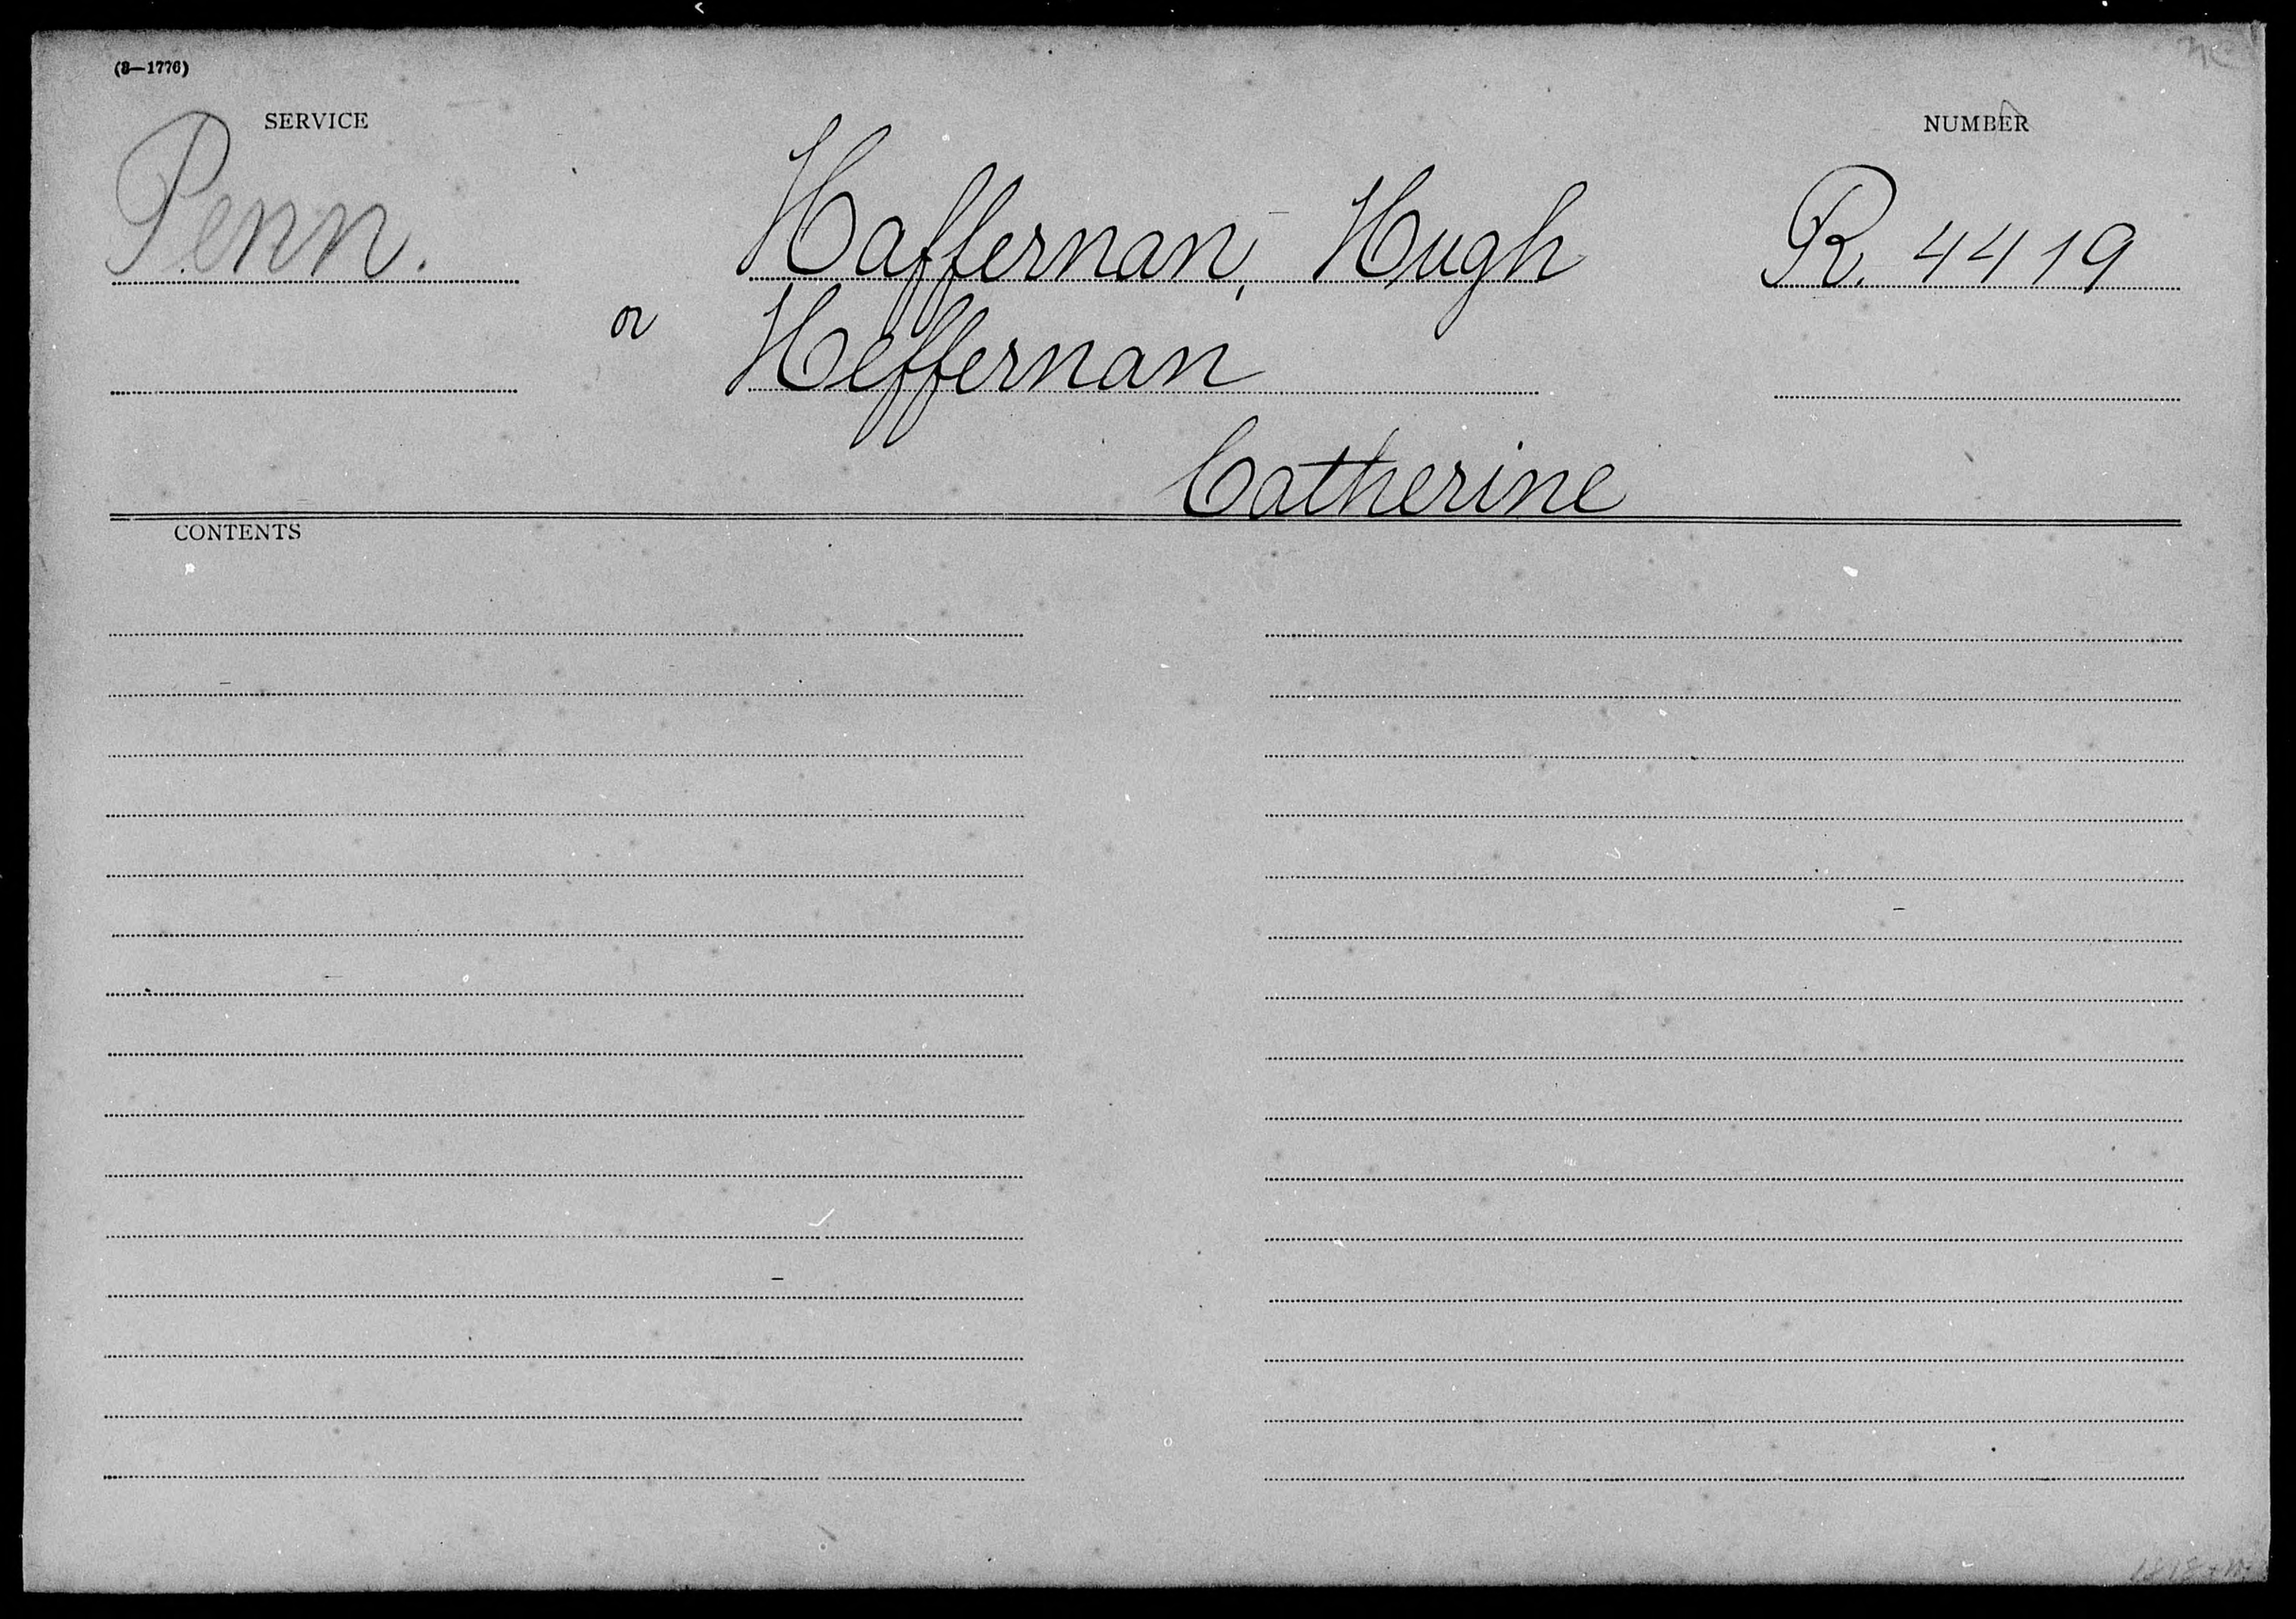(8-1776)
SERVICE
Penn.

Haffernan, Hugh
or
Heffernan
Catherine

NUMBER
R.4419

CONTENTS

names: Hugh Heffernan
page: 1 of 21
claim: rejected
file: R. 4419, Hugh Haffernan, Penn.